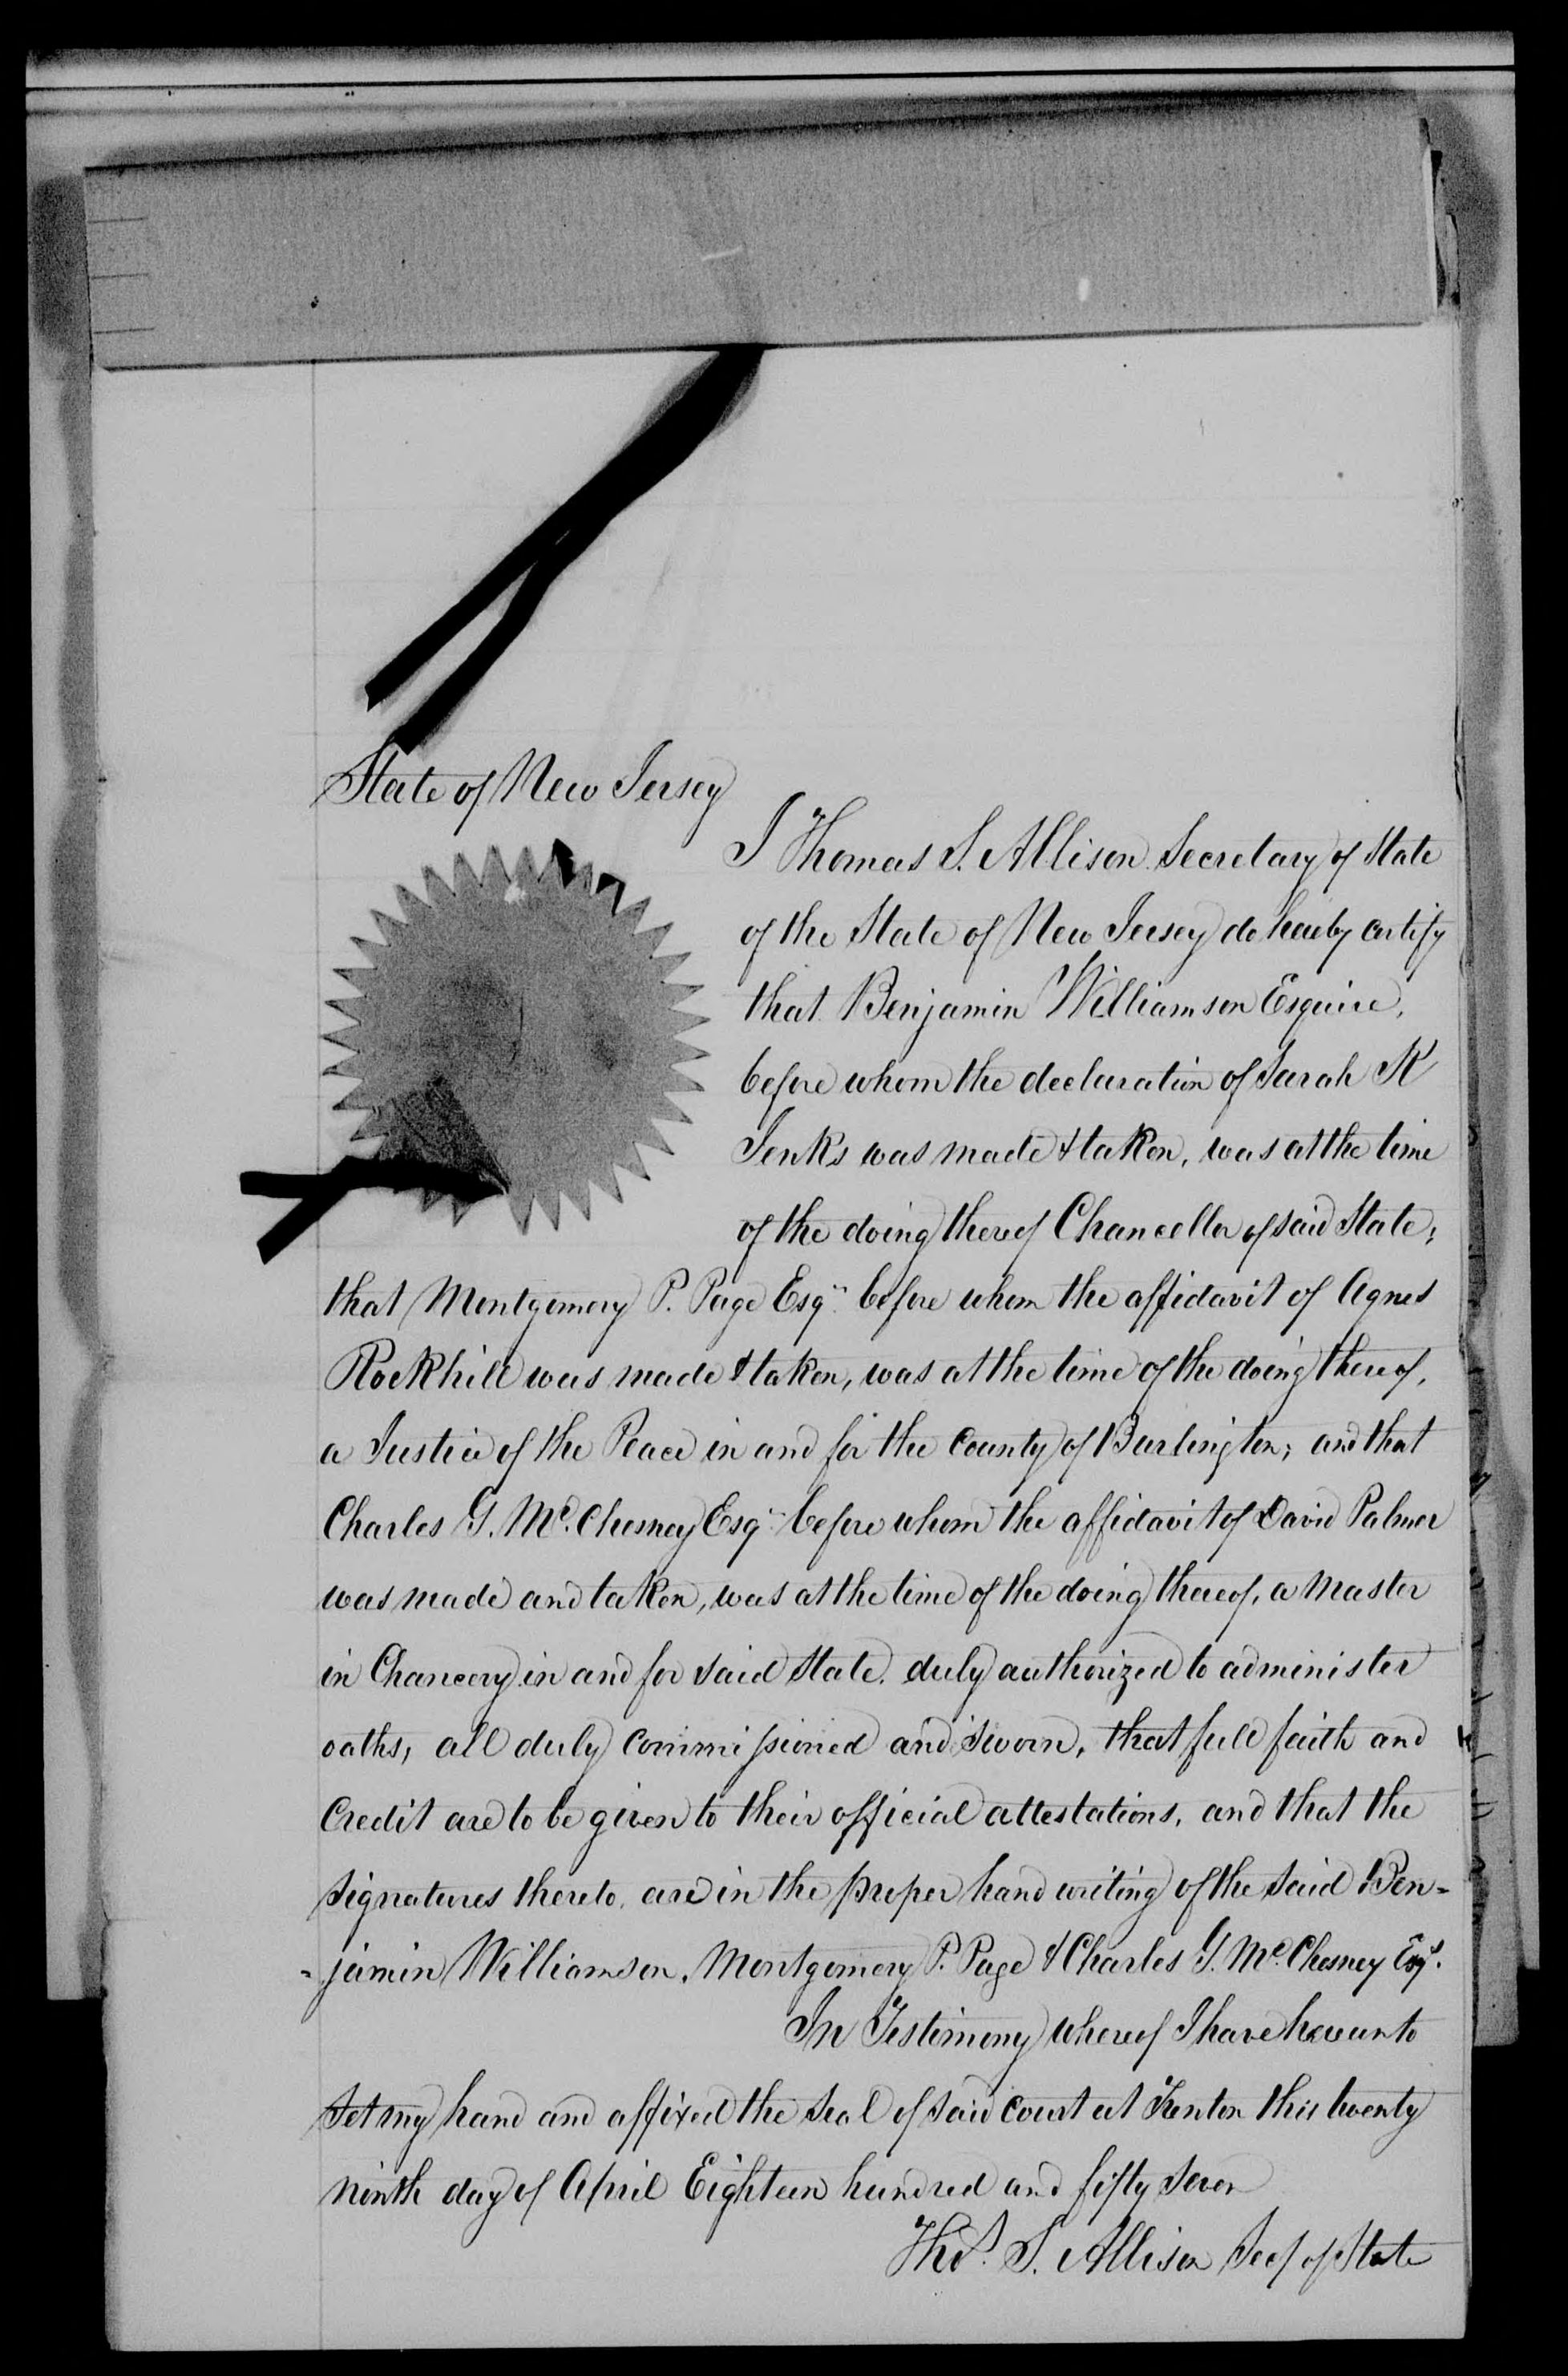State of New Jersey
I Thomas S Allison, Secretary of State of the State of New Jersey do hereby certify that Benjamin WIlliamson Esquire, before whom the declaration of Sarah R Jenks was made and taken, was at the time of the doing thereof Chancellor of said State, that Montgomery P Page Esq before whom the affidavit of Agnes Rockhill was made and taken was at the time of the doing thereof a Justice of the Peace in and for the county of Burlington, and that Charles G McChesney Esq. before whom the affidavit of David Palmer was made and taken, was at the time of the doing thereof, a Master in Chancery in and for said state duly authorized to administer oaths all duly commissioned and sworn, that full faith and credit are to be given to their official attestations and that the signatures thereto are in the proper handwriting of the said Benjamin Williamson, Montgomery P Page and Charles G McChesney Esq. 
In testimony whereof I have here unto set my hand and affixed the seal of said court at Trenton this twenty ninth day of April Eighteen hundred and fifty Seven
Thomas S. Allison Secy of State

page: 10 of 25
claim: rejected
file: R. 10513, for Edward Thomas, New Jersey